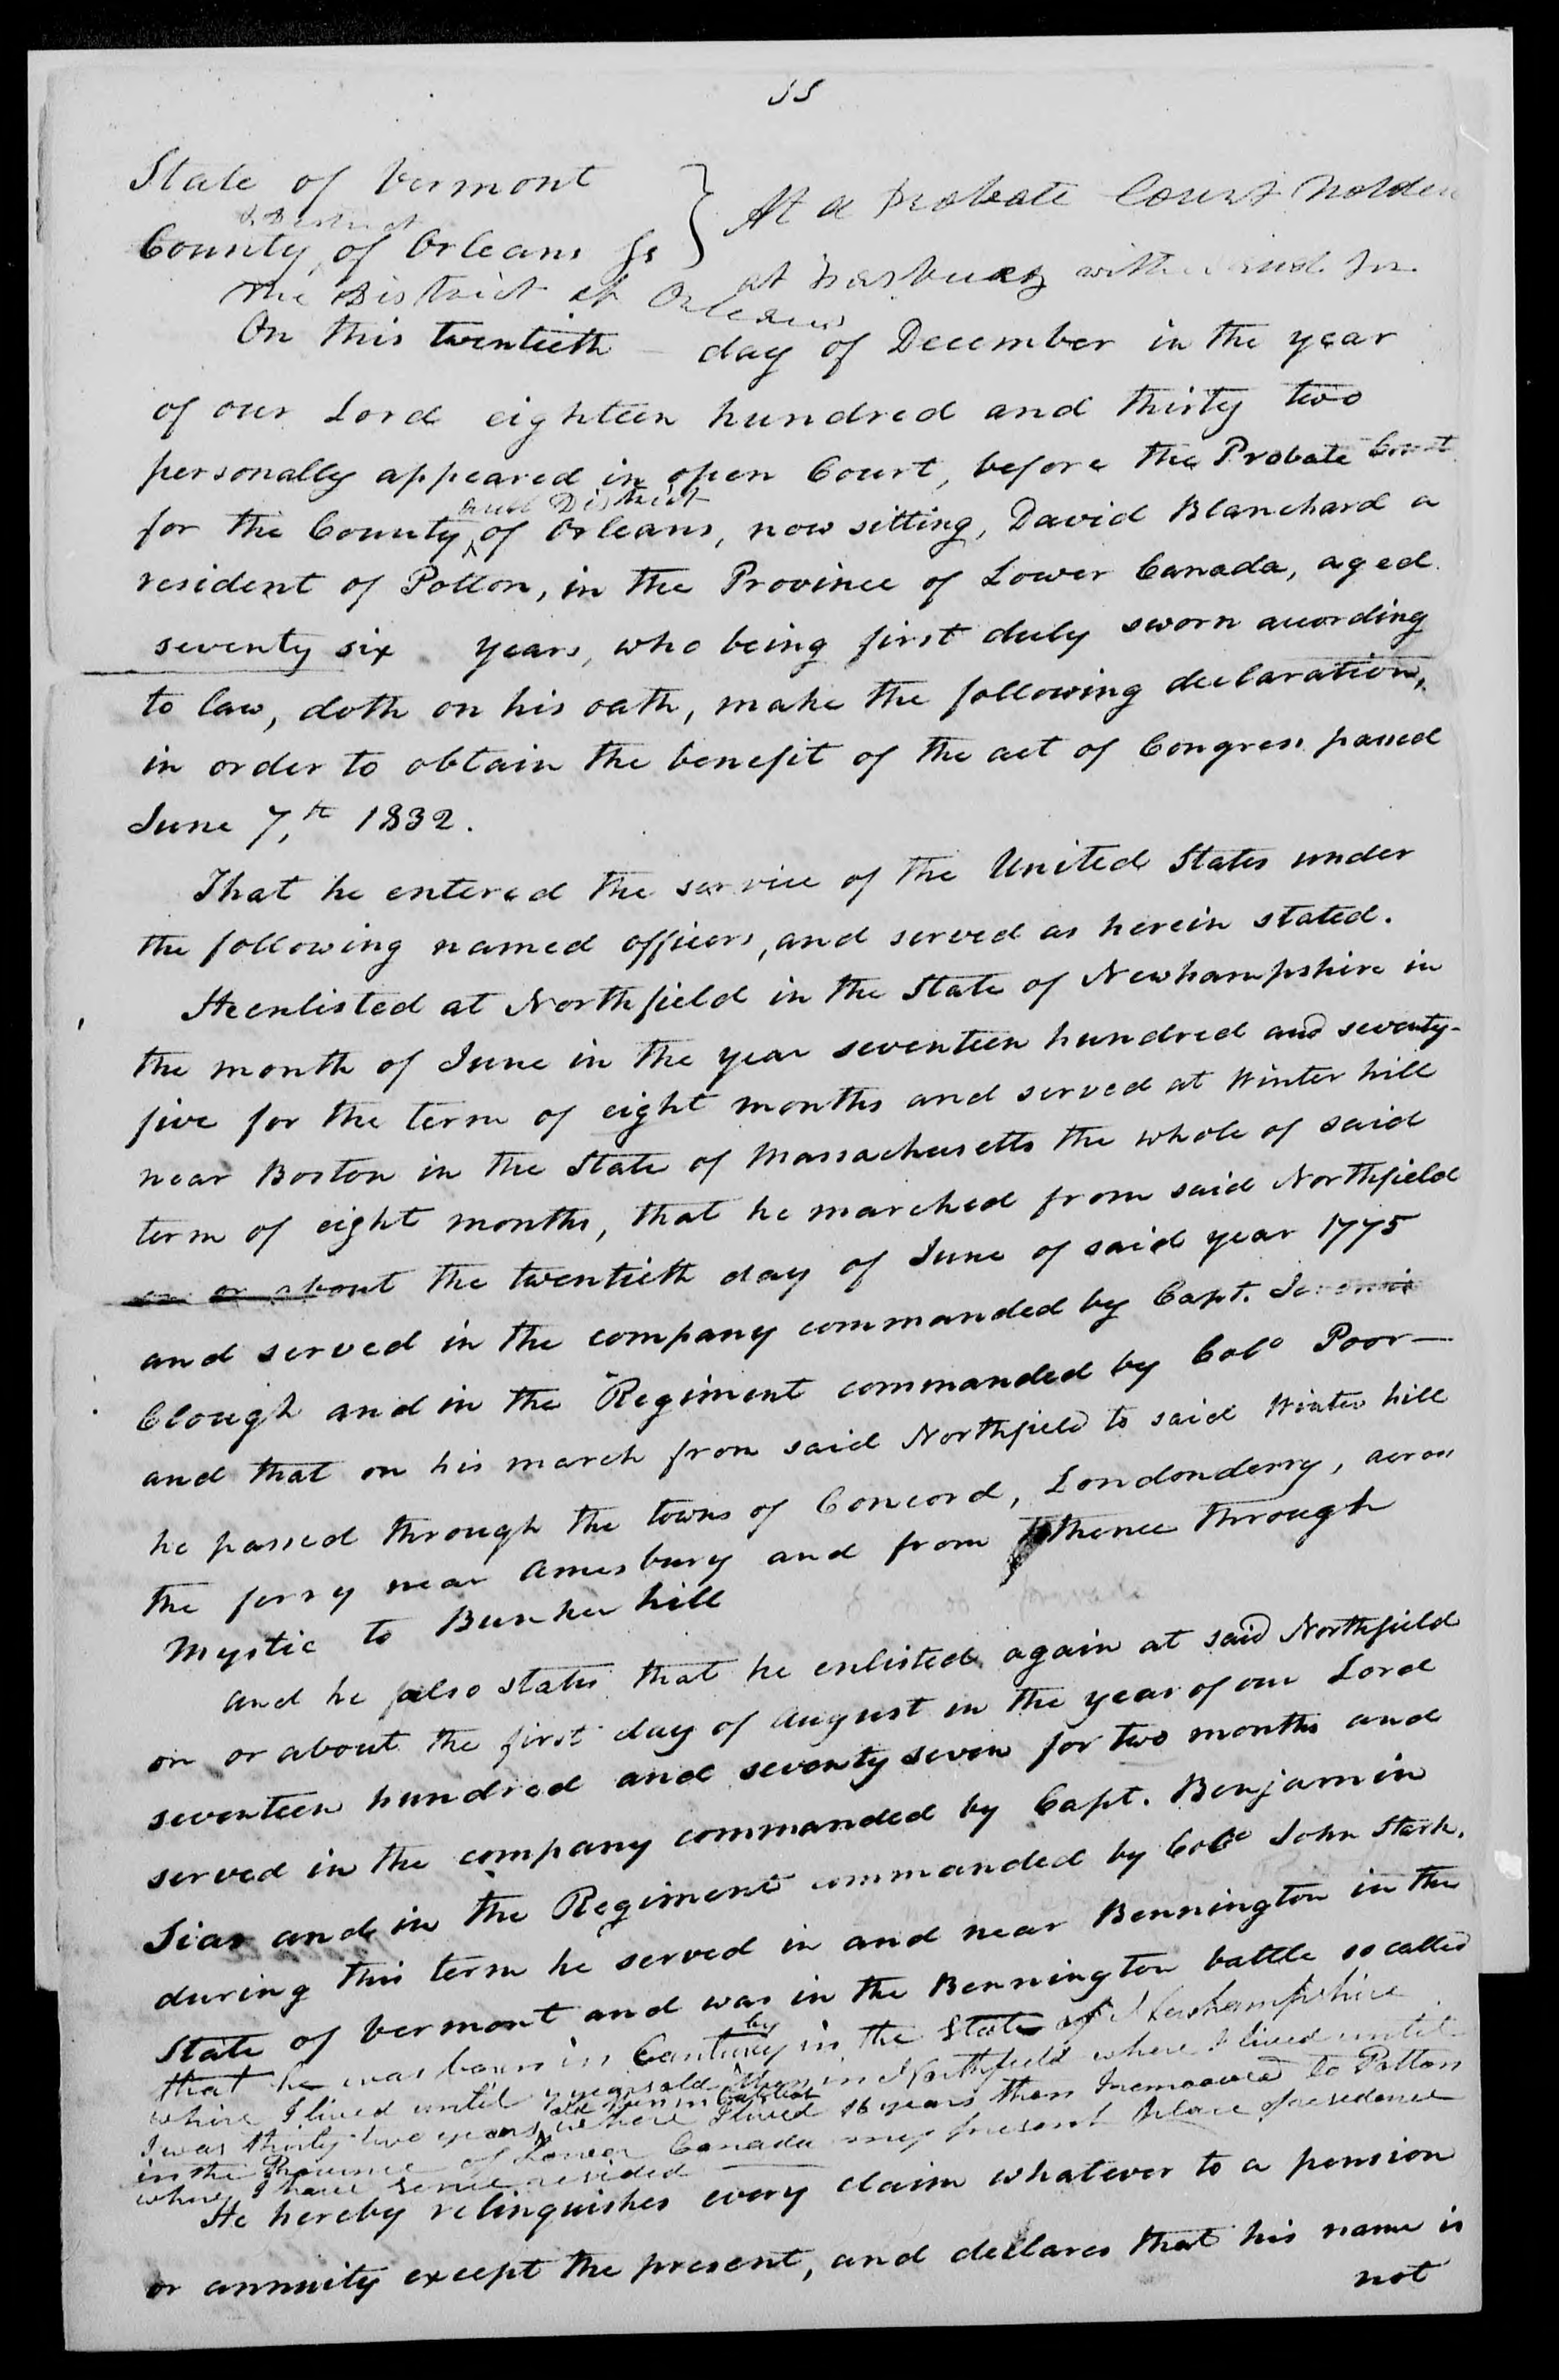SS
State of Vermont
County & District of Orleans ss.
At a Probate Court holden at Irasburg within said
[illegible] the District of Orleans, On this twentieth day of December in the year of our Lord eighteen hundred and thirty two personally appeared in open Court, before the Probate Court for the County and District of Orleans, now sitting, David Blanchard a resident of Potton, in the Province of Lower Canada, aged seventy six years, who being first duly sworn according to law, doth on his oath, make the following declaration in order to obtain the benefit of the act of Congress passed June 7th 1832.
That he entered the service of the United States under the following named officers, and served as herein stated. He enlisted at Northfield in the State of New Hampshire in the month of June in the year seventeen hundred and seventy five for the term of eight months and served at Winter hill near Boston in the State of Massachusetts the whole of said term of eight months, that he marched from said Northfield on or about the twentieth day of June of said year 1775 and served in the company commanded by Capt. Jeremiah Clough and in the Regiment  commanded by Col. Poor and that on his march from said Northfield to said Winter hill he passed through the towns of Concord, Londonderry across the ferry near Amesbury and from thence  through Mystic to Bunker hill.
And he also states that he enlisted again at said Northfield on or about the first day of August in the year of our Lord seventeen hundred and seventy seven for two months and served in the company commanded by Capt. Benjamin Sias and in the Regiment commanded by Col John Stark. During this term he served in and near Bennington in the State of Vermont and was in the Bennington battle so called. That he was born in Canterbury in the State of New Hampshire where I lived until 7 years old then in Northfield where I lived untill I was thirty two years old, then in [illegible] where I lived 16 years then I removed to Potton in the Province of Lower Canada my present place of residence where I have since resided. He hereby relinquishes every claim whatever to a pension or annuity except the present, and declares that his name is not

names: David Blanchard, Benjamin Siar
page: 5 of 23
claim: survivor's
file: S. 12237, David Blanchard, N. H.